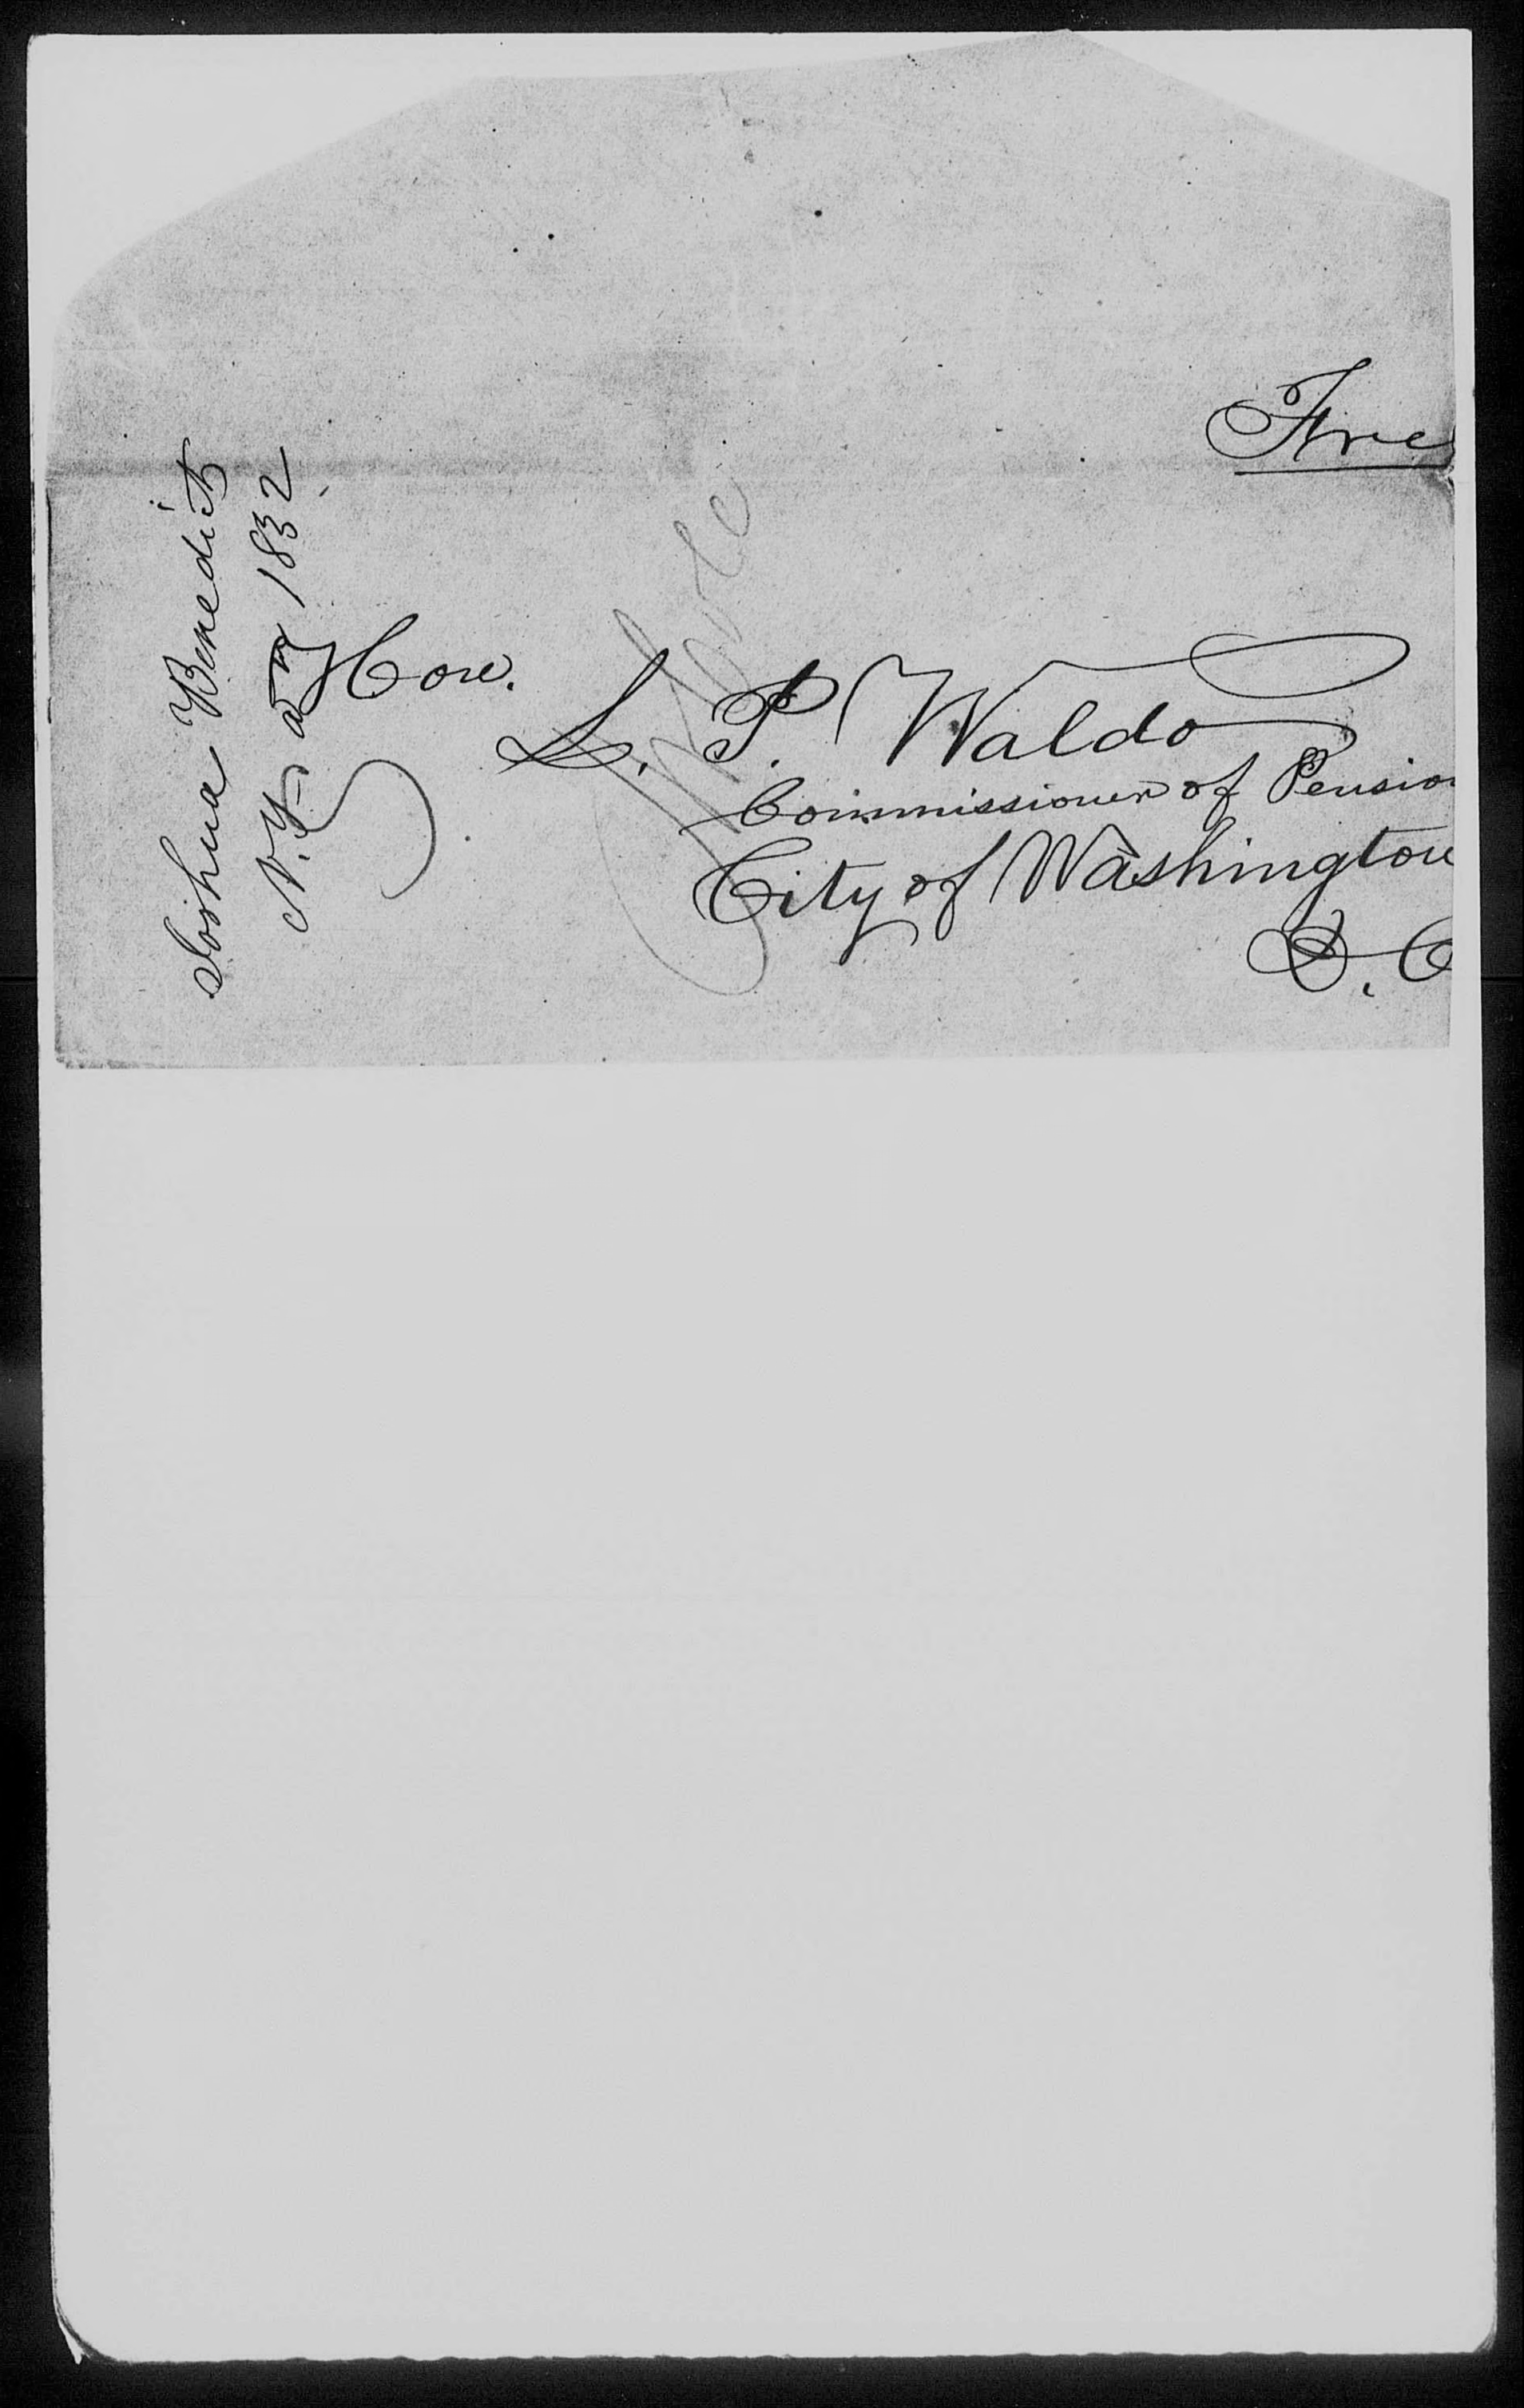Free

Hon. L. P. Waldo
Commissioner of Pension
City of Washington
D.C.

[up right side and center] Joshua Benedict
N. Y. [illegible] 1832

[illegible]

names: Joshua Benedict, L P Waldo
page: 14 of 106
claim: survivor's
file: S 23,116., Joshua Benedict, Conn.